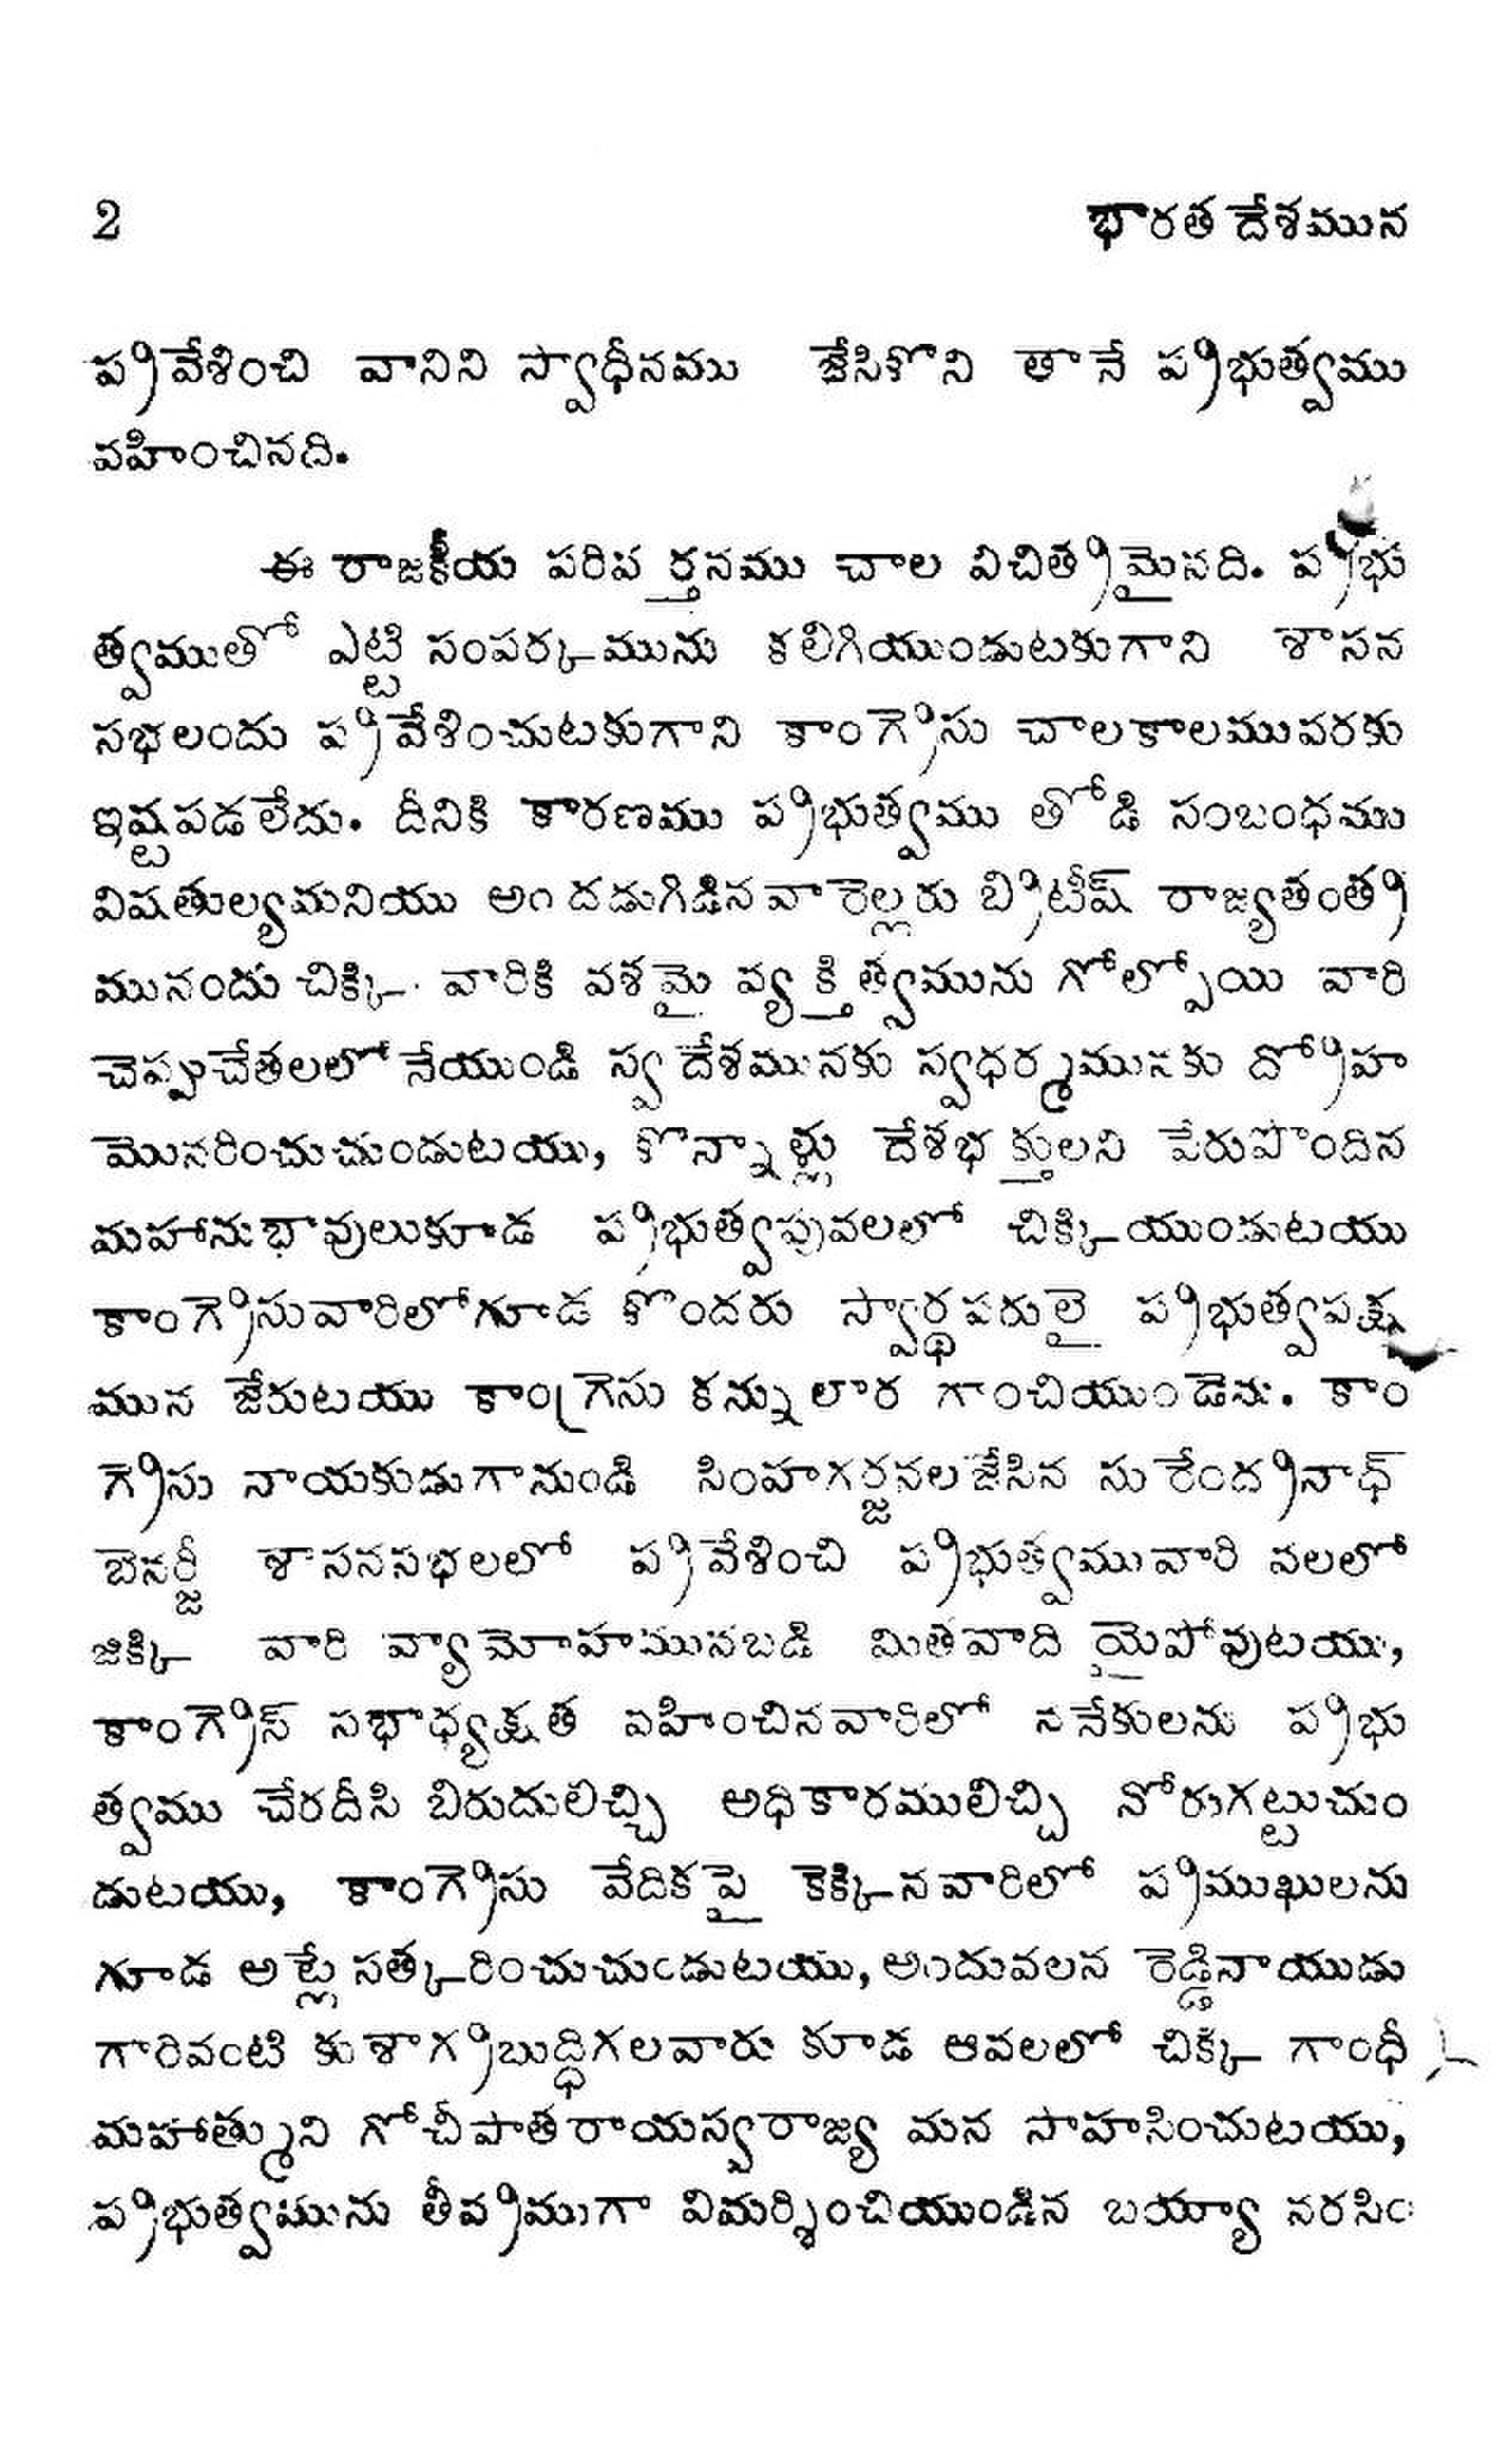ప్రవేశించి వానిని స్వాధీనము జేసికొని తానే ప్రభుత్వము వహించినది.

ఈ రాజకీయ పరివర్తనము చాల విచిత్రమైనది. ప్రభుత్వముతో ఎట్టి సంపర్కమును కలిగియుండుటకుగాని శాసనసభలందు ప్రవేశించుటకుగాని కాంగ్రెసు చాలకాలమువరకు ఇష్టపడలేదు. దీనికి కారణము ప్రభుత్వము తోడి సంబంధము విషతుల్యమనియు అందడుగిడినవారెల్లరు బ్రిటీష్ రాజ్యతంత్రమునందు చిక్కి. వారికి వశమై వ్యక్తిత్వమును గోల్పోయి వారి చెప్పుచేతలలో నేయుండి స్వదేశమునకు స్వధర్మమునకు ద్రోహ మొనరించుచుండుటయు, కొన్నాళ్లు దేశభక్తులని పేరుపొందిన మహానుభావులుకూడ ప్రభుత్వపువలలో చిక్కియుండుటయు కాంగ్రెసువారిలోగూడ కొందరు స్వార్ధపరులై ప్రభుత్వపక్షమున జేరుటయు కాంగ్రెసు కన్నులార గాంచియుండెను. కాంగ్రెసు నాయకుడుగానుండి సింహగర్జనలజేసిన సురేంద్రనాధ్ బెనర్టీ శాసనసభలలో ప్రవేశించి ప్రభుత్వమువారి వలలో జిక్కి వారి వ్యామోహమునబడి మితవాది యైపోవుటయు, కాంగ్రెస్ సభాధ్యక్షత వహించినవారిలో ననేకులను ప్రభుత్వము చేరదీసి బిరుదులిచ్చి అధికారములిచ్చి నోరుగట్టుచుండుటయు, కాంగ్రెసు వేదికపై కెక్కినవారిలో ప్రముఖులను గూడ అట్లే సత్కరించుచుండుటయు, అందువలన రెడ్డినాయుడు గారివంటి కుశాగ్రబుద్ధిగలవారు కూడ ఆవలలో చిక్కి గాంధీమహాత్ముని గోచీపాతరాయస్వరాజ్య మన సాహసించుటయు, ప్రభుత్వమును తీవ్రముగా విమర్శించియుండిన బయ్యా నరసిం